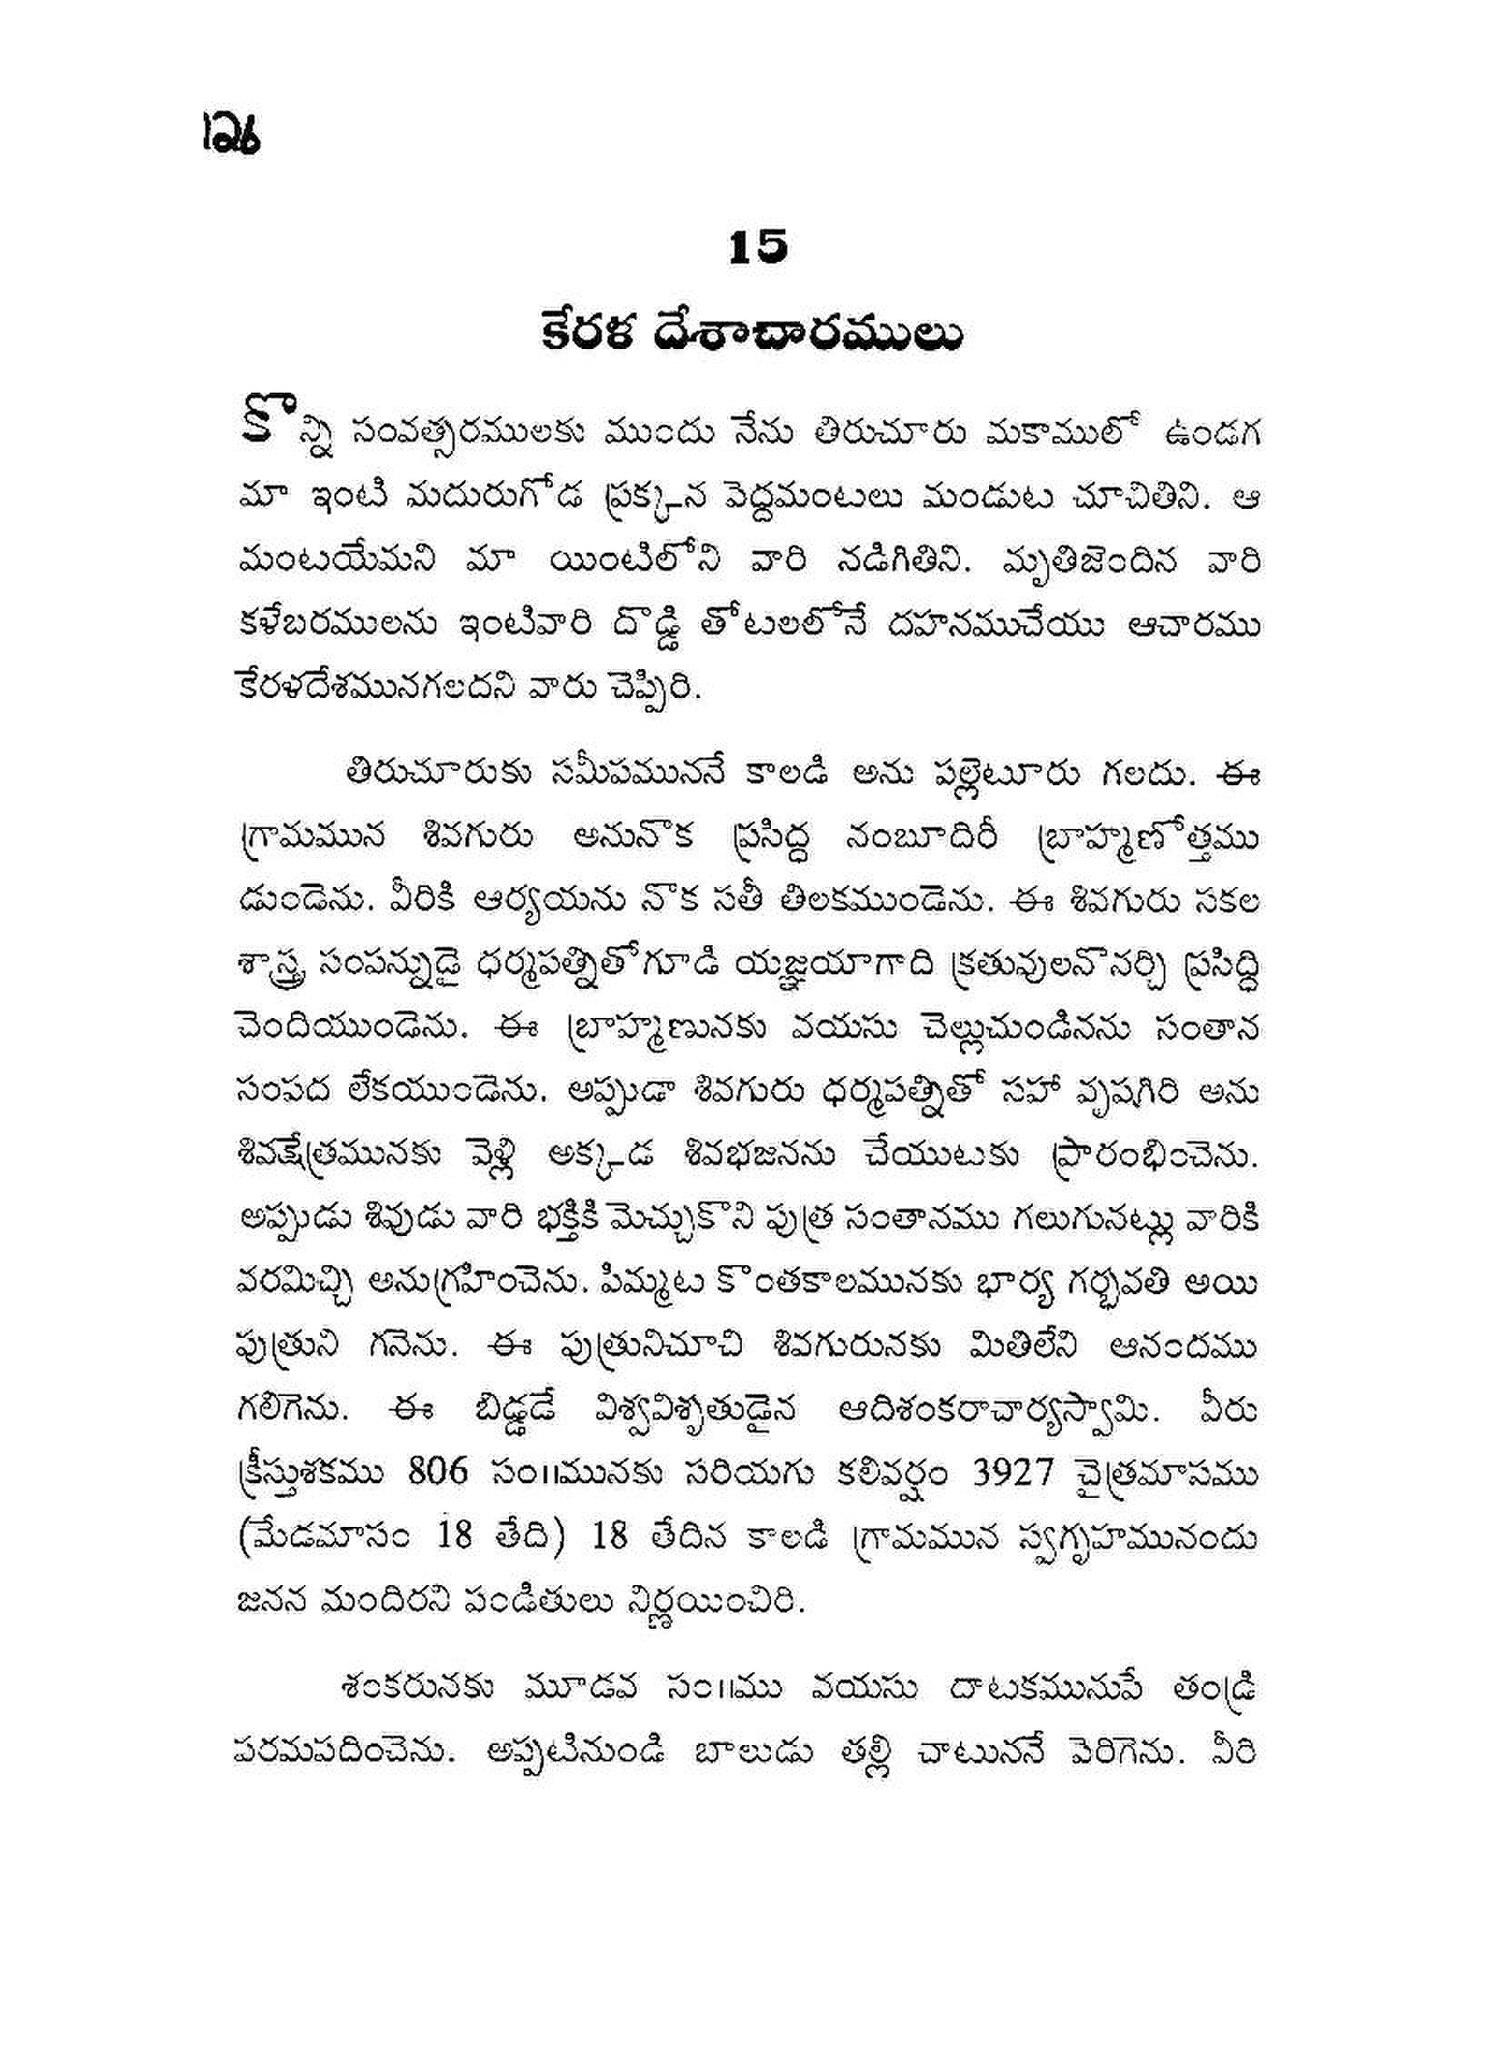కొన్ని సంవత్సరములకు ముందు నేను తిరుచూరు మకాములో ఉండగ మా ఇంటి మదురుగోడ ప్రక్కన పెద్దమంటలు మండుట చూచితిని. ఆ మంటయేమని మా యింటిలోని వారి నడిగితిని. మృతిజెందిన వారి కళేబరములను ఇంటివారి దొడ్డి తోటలలోనే దహనముచేయు ఆచారము కేరళదేశమునగలదని వారు చెప్పిరి.

తిరుచూరుకు సమీపముననే కాలడి అను పల్లెటూరు గలదు. ఈ గ్రామమున శివగురు అనునొక ప్రసిద్ద నంబూదిరీ బ్రాహ్మణోత్తముడుండెను. వీరికి ఆర్యయను నొక సతీ తిలకముండెను. ఈ శివగురు సకల శాస్త్ర సంపన్నుడై ధర్మపత్నితోగూడి యజ్ఞయాగాది క్రతువులనొనర్చి ప్రసిద్ధి చెందియుండెను. ఈ బ్రాహ్మణునకు వయసు చెల్లుచుండినను సంతానసంపద లేకయుండెను. అప్పడా శివగురు ధర్మపత్నితో సహా వృషగిరి అను శివక్షేత్రమునకు వెళ్లి అక్కడ శివభజనను చేయుటకు ప్రారంభించెను. అప్పడు శివుడు వారి భక్తికి మెచ్చుకొని పుత్ర సంతానము గలుగునట్లు వారికి వరమిచ్చి అనుగ్రహించెను. పిమ్మట కొంతకాలమునకు భార్య గర్భవతి అయి పుత్రుని గనెను. ఈ పుత్రునిచూచి శివగురునకు మితిలేని ఆనందము గలిగెను. ఈ బిడ్డడే విశ్వవిశృతుడైన ఆదిశంకరాచార్యస్వామి. వీరు క్రీస్తుశకము 806 సం||మునకు సరియగు కలివర్షం 3927 చైత్రమాసము (మేడమాసం 18 తేది) 18 తేదిన కాలడి గ్రామమున స్వగృహమునందు జనన మందిరని పండితులు నిర్ణయించిరి.

శంకరునకు మూడవ సం||ము వయసు దాటకమునుపే తండ్రి పరమపదించెను. అప్పటినుండి బాలుడు తల్లి చాటుననే పెరిగెను. వీరి